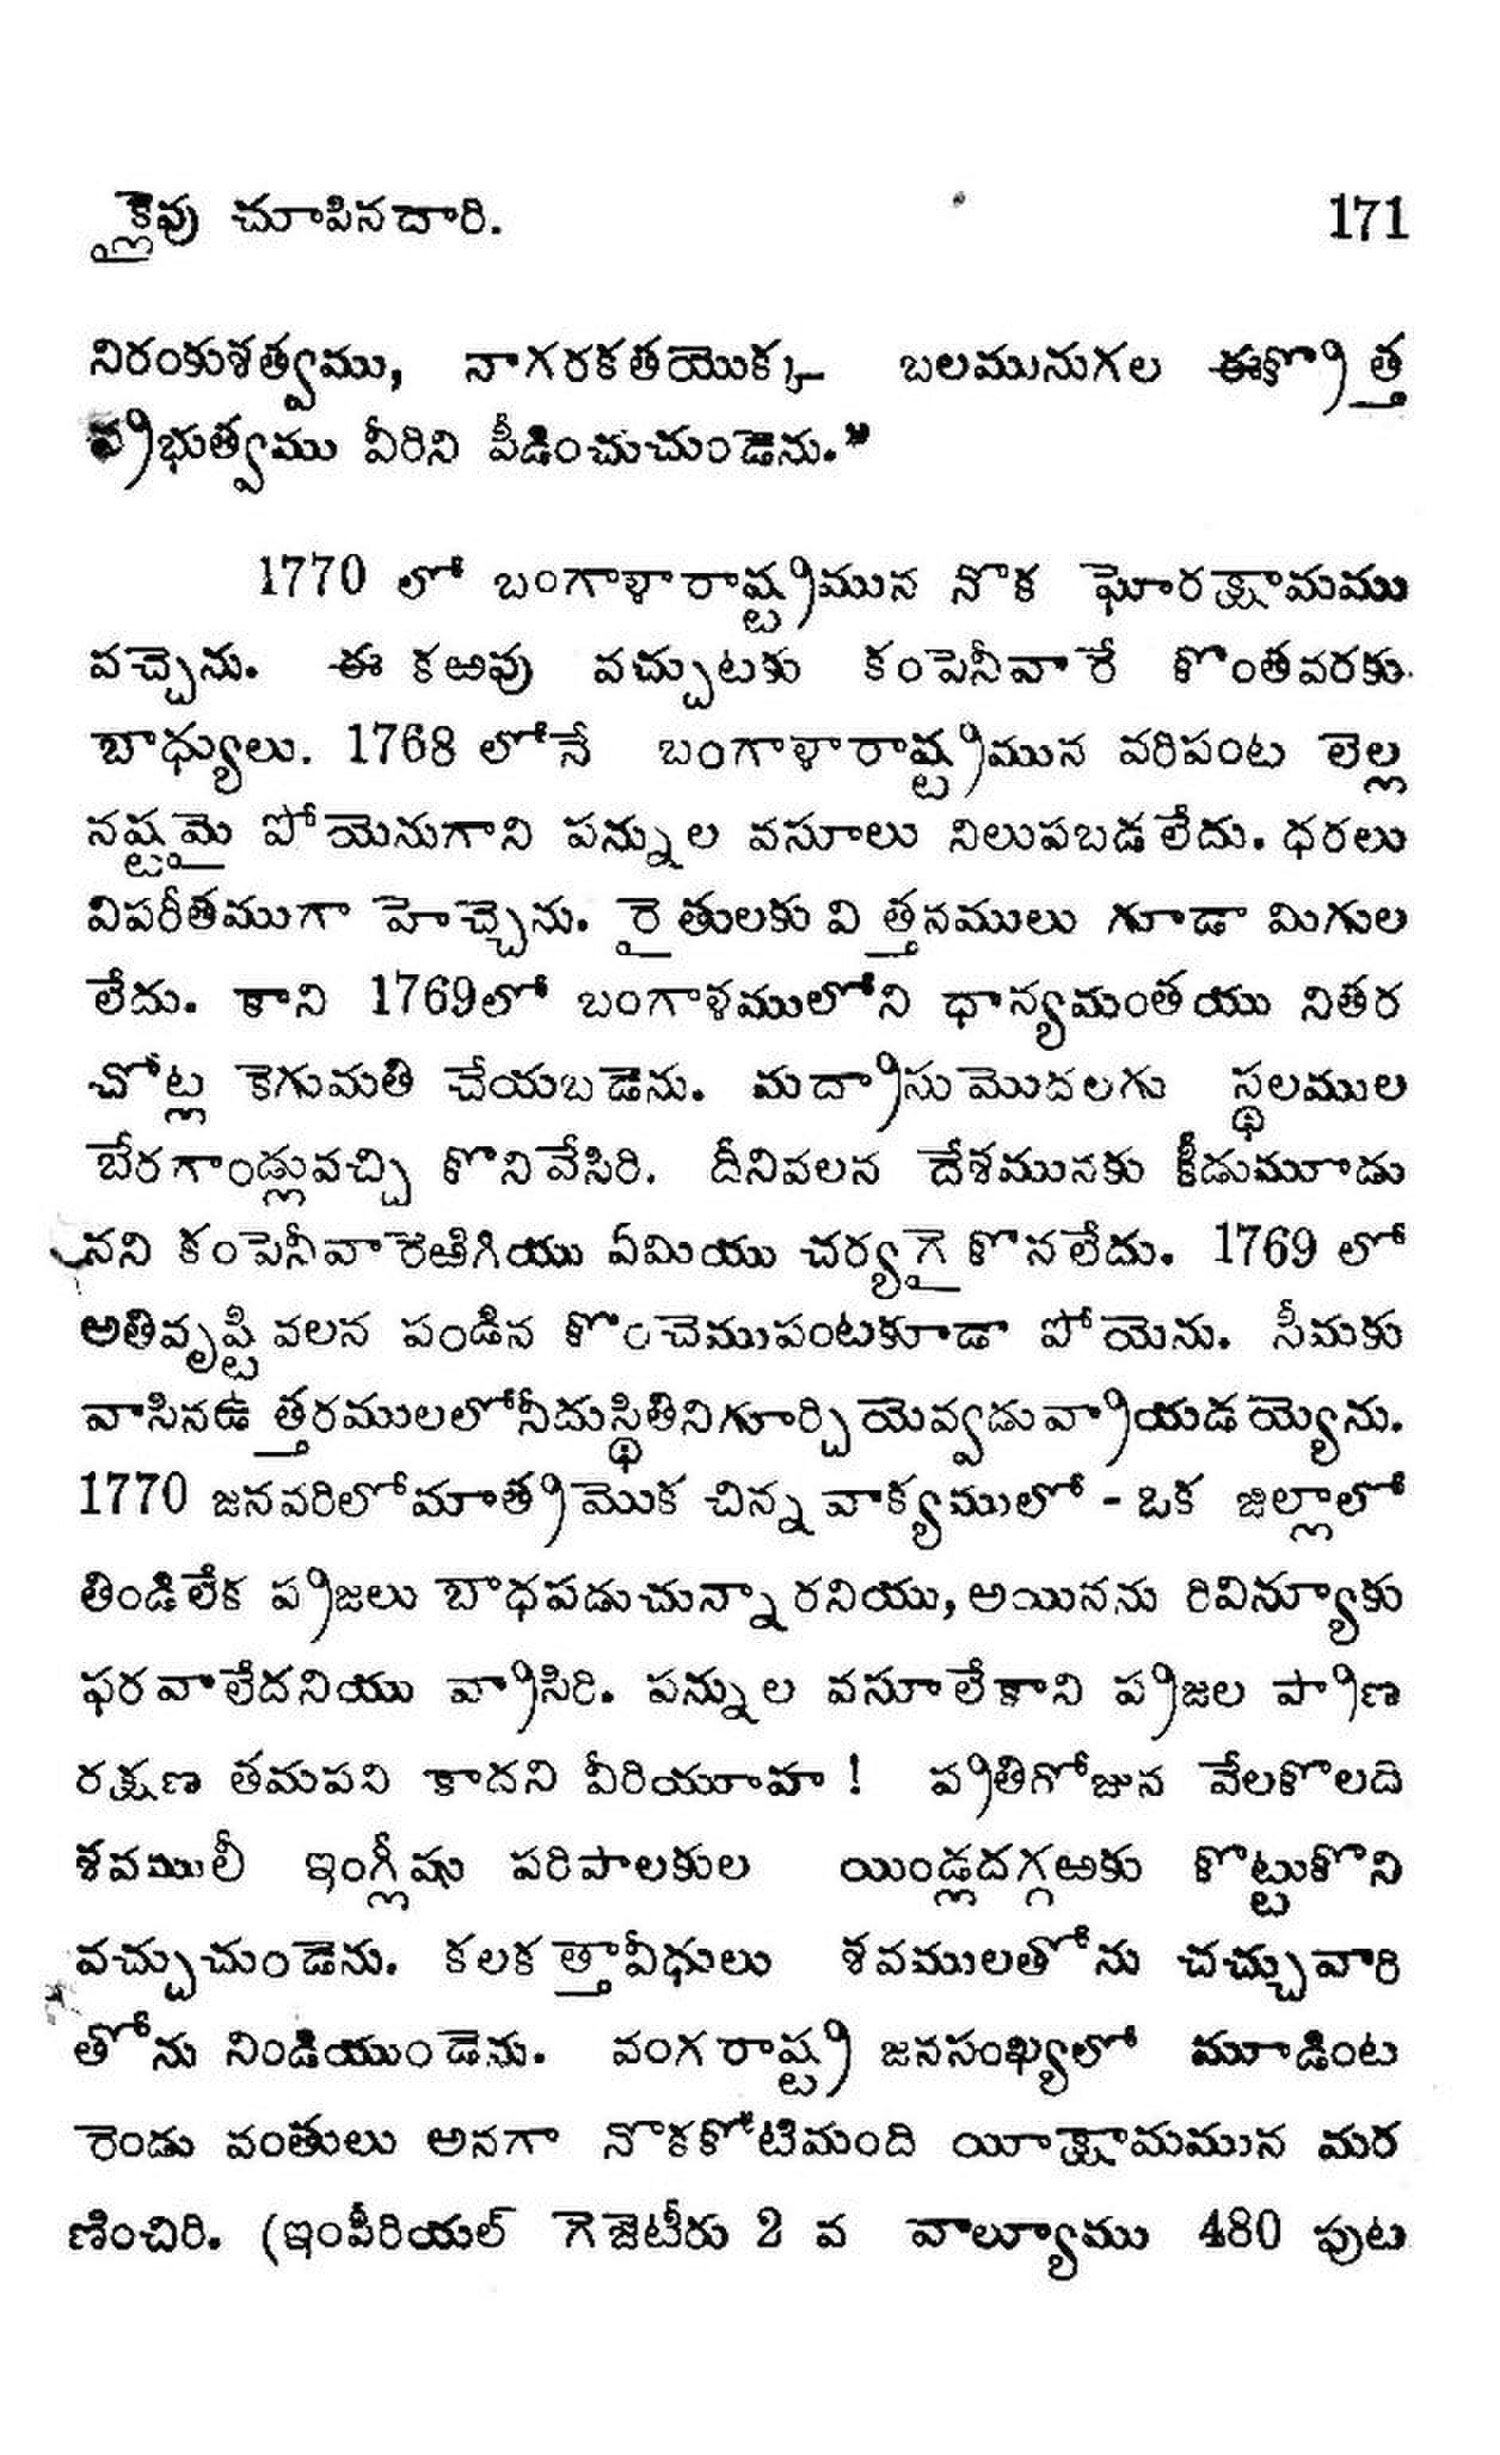నిరంకుశత్వము, నాగరకతయొక్క బలమునుగల ఈక్రొత్త ప్రభుత్వము వీరిని పీడించుచుండెను."

1770 లో బంగాళారాష్ట్రమున నొక ఘోరక్షామము వచ్చెను. ఈ కఱవు వచ్చుటకు కంపెనీవారే కొంతవరకు బాధ్యులు. 1768 లోనే బంగాళారాష్ట్రమున వరిపంట లెల్ల నష్ట మై పోయెనుగాని పన్నుల వసూలు నిలుపబడలేదు. ధరలు విపరీతముగా హెచ్చెను. రైతులకు విత్తనములు గూడా మిగుల లేదు. కాని 1769లో బంగాళములోని ధాన్యమంతయు నితరచోట్ల కెగుమతి చేయబడెను. మద్రాసు మొదలగు స్థలముల బేరగాండ్లువచ్చి కొనివేసిరి. దీనివలన దేశమునకు కీడుమూడునని కంపెనీ వారెఱిగియు ఏమియు చర్యగైకొనలేదు. 1769 లో అతివృష్టి వలన పండిన కొంచెము పంటకూడా పోయెను. సీమకు వ్రాసిన ఉత్తరములలో నీ దుస్థితినిగూర్చి యెవ్వడు వ్రాయడయ్యెను. 1770 జనవరిలోమాత్రమొక చిన్న వాక్యములో - ఒక జిల్లాలో తిండిలేక ప్రజలు బాధపడుచున్నారనియు, అయినను రివిన్యూకు ఫరవాలేదనియు వ్రాసిరి. పన్నుల వసూలేకాని ప్రజల ప్రాణ రక్షణ తమపని కాదని వీరియూహ ! ప్రతిరోజున వేలకొలది శవములీ ఇంగ్లీషు పరిపాలకుల యిండ్లదగ్గఱకు కొట్టుకొని వచ్చుచుండెను. కలకత్తావీధులు శవములతోను చచ్చువారితోను నిండియుండెను. వంగరాష్ట్ర జనసంఖ్యలో మూడింట రెండు వంతులు అనగా నొకకోటిమంది యీక్షామమున మరణించిరి. (ఇంపీరియల్ గెజెటీరు 2 వ వాల్యూము 480 ఫుట